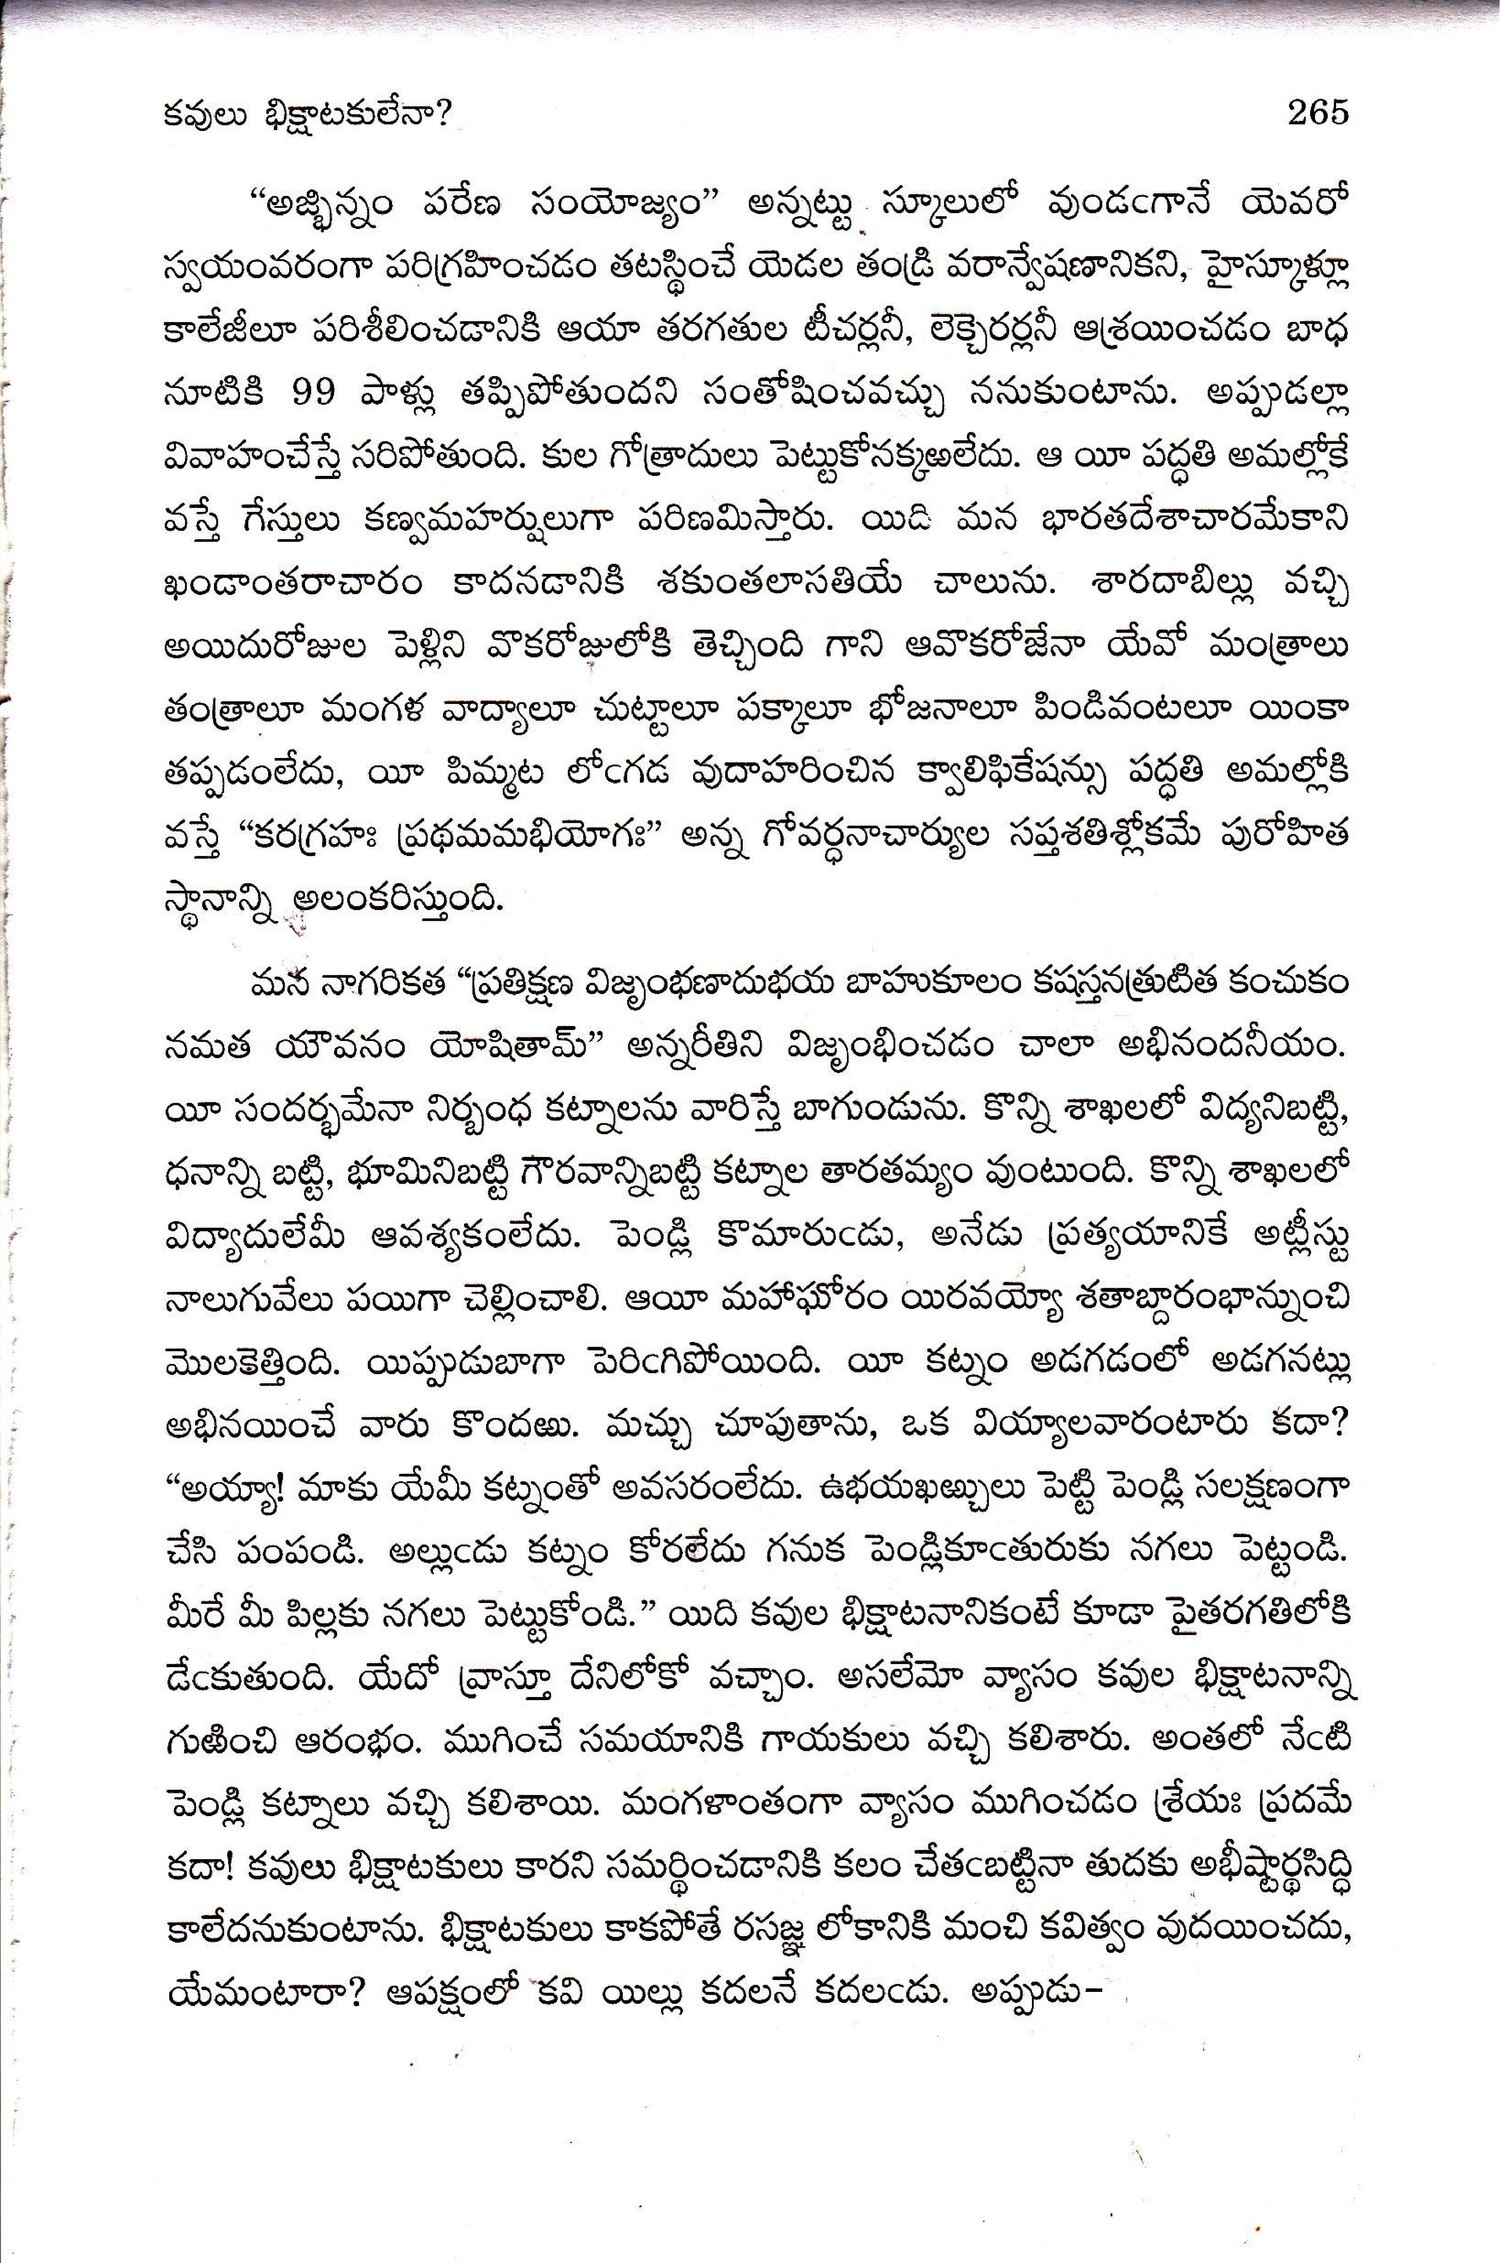“అజ్భిన్నం పరేణ సంయోజ్యం" అన్నట్టు స్కూలులో వుండఁగానే యెవరో స్వయంవరంగా పరిగ్రహించడం తటస్థించే యెడల తండ్రి వరాన్వేషణానికని, హైస్కూళ్లూ కాలేజీలూ పరిశీలించడానికి ఆయా తరగతుల టీచర్లనీ, లెక్చెరర్లనీ ఆశ్రయించడం బాధ నూటికి 99 పాళ్లు తప్పిపోతుందని సంతోషించవచ్చు ననుకుంటాను. అప్పడల్లా వివాహంచేస్తే సరిపోతుంది. కుల గోత్రాదులు పెట్టుకోనక్కఱలేదు. ఆ యీ పద్ధతి అమల్లోకే వస్తే గేస్తులు కణ్వమహర్షులుగా పరిణమిస్తారు. యిది మన భారతదేశాచారమేకాని ఖండాంతరాచారం కాదనడానికి శకుంతలాసతియే చాలును. శారదాబిల్లు వచ్చి అయిదురోజుల పెళ్లిని వొకరోజులోకి తెచ్చింది గాని ఆవొకరోజేనా యేవో మంత్రాలు తంత్రాలూ మంగళ వాద్యాలూ చుట్టాలూ పక్కాలూ భోజనాలూ పిండివంటలూ యింకా తప్పడంలేదు, యీ పిమ్మట లోcగడ వుదాహరించిన క్వాలిఫికేషన్సు పద్ధతి అమల్లోకి వస్తే "కరగ్రహః ప్రథమమభియోగః" అన్న గోవర్ధనాచార్యుల సప్తశతిశ్లోకమే పురోహిత స్థానాన్ని అలంకరిస్తుంది.

మన నాగరికత "ప్రతిక్షణ విజృంభణాదుభయ బాహుకూలం కషస్తనత్రుటిత కంచుకం నమత యావనం యోషితామ్” అన్నరీతిని విజృంభించడం చాలా అభినందనీయం. యీ సందర్భమేనా నిర్బంధ కట్నాలను వారిస్తే బాగుండును. కొన్ని శాఖలలో విద్యనిబట్టి, ధనాన్ని బట్టి, భూమినిబట్టి గౌరవాన్నిబట్టి కట్నాల తారతమ్యం వుంటుంది. కొన్ని శాఖలలో విద్యాదులేమీ ఆవశ్యకంలేదు. పెండ్లి కొమారుఁడు, అనేడు ప్రత్యయానికే అట్లీస్టు నాలుగువేలు పయిగా చెల్లించాలి. ఆయీ మహాఘోరం యిరవయ్యో శతాబ్దారంభాన్నుంచి మొలకెత్తింది. యిప్పుడు బాగా పెరిఁగిపోయింది. యీ కట్నం అడగడంలో అడగనట్లు అభినయించే వారు కొందఱు. మచ్చు చూపుతాను, ఒక వియ్యాలవారంటారు కదా? “అయ్యా! మాకు యేమీ కట్నంతో అవసరంలేదు. ఉభయఖఱ్చులు పెట్టి పెండ్లి సలక్షణంగా చేసి పంపండి. అల్లుఁడు కట్నం కోరలేదు గనుక పెండ్లికూఁతురుకు నగలు పెట్టండి. మీరే మీ పిల్లకు నగలు పెట్టుకోండి." యిది కవుల భిక్షాటనానికంటే కూడా పైతరగతిలోకి దేఁకుతుంది. యేదో వ్రాస్తూ దేనిలోకో వచ్చాం. అసలేమో వ్యాసం కవుల భిక్షాటనాన్ని గుఱించి ఆరంభం. ముగించే సమయానికి గాయకులు వచ్చి కలిశారు. అంతలో నేcటి పెండ్లి కట్నాలు వచ్చి కలిశాయి. మంగళాంతంగా వ్యాసం ముగించడం శ్రేయః ప్రదమే కదా! కవులు భిక్షాటకులు కారని సమర్ధించడానికి కలం చేతఁబట్టినా తుదకు అభీష్టార్థసిద్ధి కాలేదనుకుంటాను. భిక్షాటకులు కాకపోతే రసజ్ఞ లోకానికి మంచి కవిత్వం వుదయించదు, యేమంటారా? ఆపక్షంలో కవి యిల్లు కదలనే కదలఁడు. అప్పుడు-